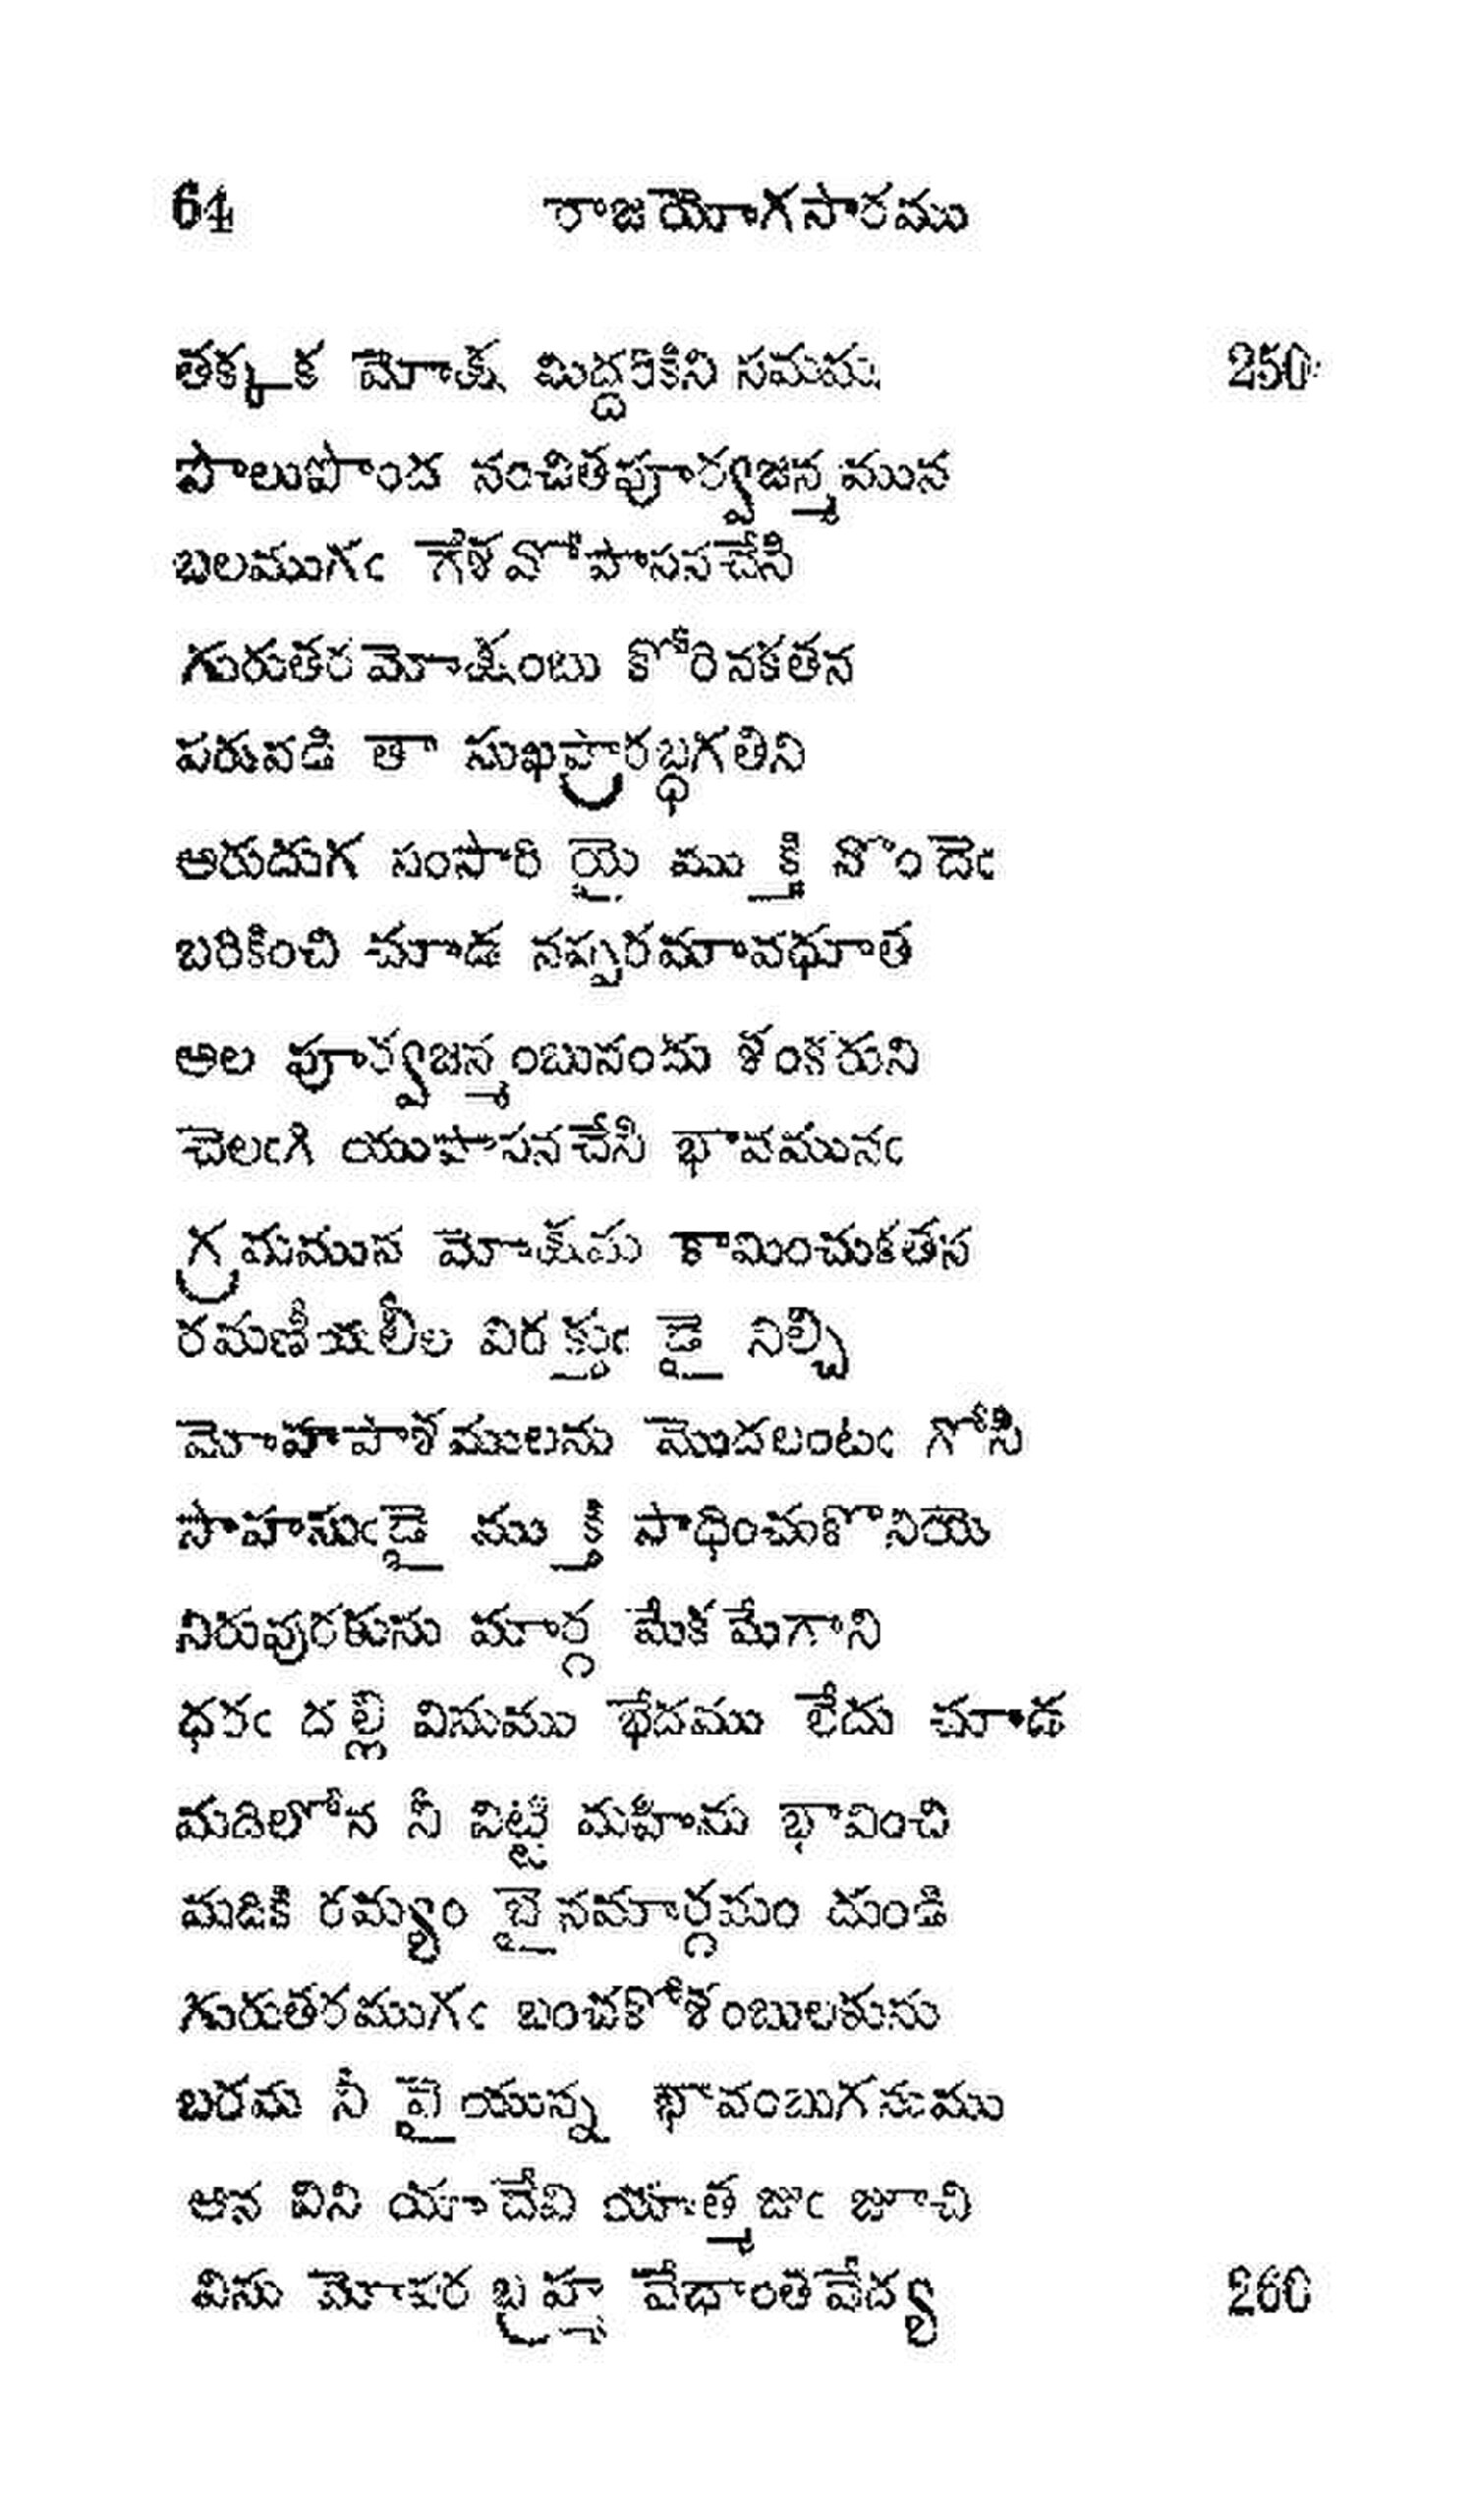తక్కక మోక్ష మిద్దరికిని సమము
పొలుపొంద నంచితపూర్వజన్మమున
బలముగఁ గేశవోపాసన చేసి
గురుతరమోక్షంబు కోరినకతన
పరువడి తా సుఖప్రారబ్ధగతిని
అరుదుగ సంసారి యై ముక్తి నొందెఁ
బరికించి చూడ నప్పరమావధూత
అల పూర్వజన్మంబునందు శంకరుని
చెలఁగి యుపాసనచేసి భావమునఁ
గ్రమమున మోక్షమ కామించుకతన
రమణీయలీల విరక్తుఁ డై నిల్చి
మోహపాశములను మొదలంటఁ గోసి
సాహసుఁడై ముక్తి సాధించుకొనియె
నిరువురకును మార్గ మేకమేగాని
ధరఁ దల్లి వినుము భేదము లేదు చూడ
మదిలోన నీ విట్టి మహిమ భావించి
మదికి రమ్యం బైనమార్గమం దుండి
గురుతరముగఁ బంచకోశంబులకును
బరము నీ వైయున్న భావంబు గనుము
అన విని యాదేవి యాత్మజుఁ జూచి
విను మోపరబ్రహ్మ వేదాంతవేద్య